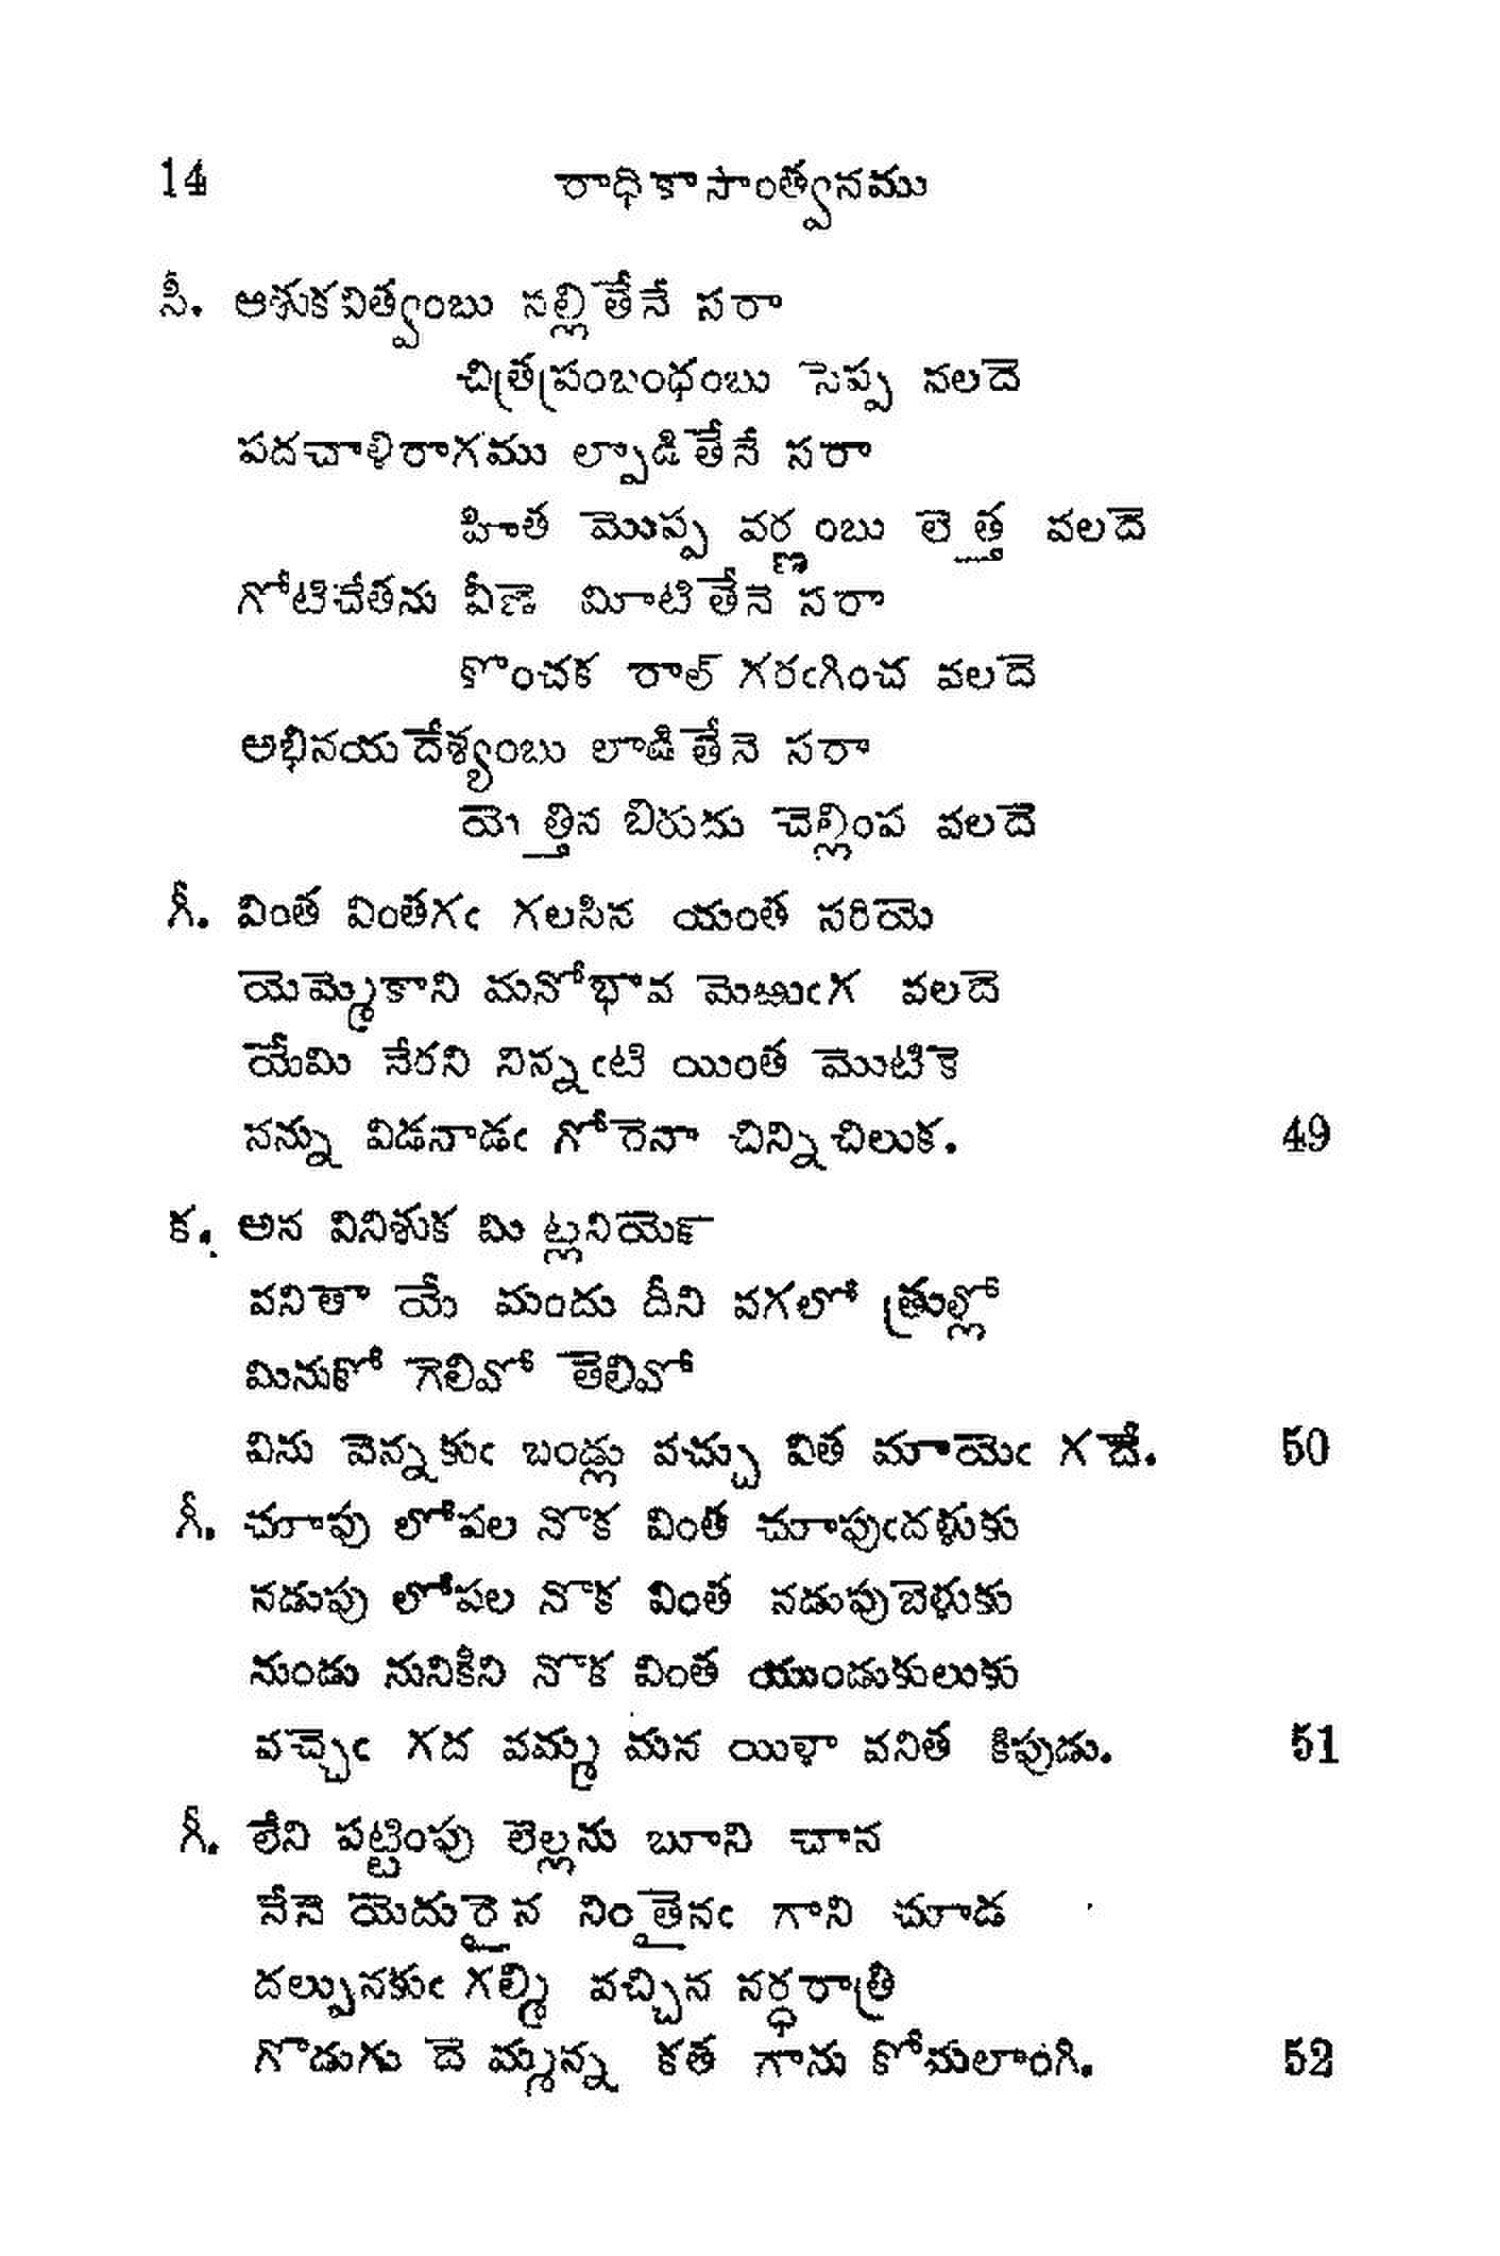సీ. ఆశుకవిత్వంబు నల్లితేనే సరా
చిత్రప్రబంధంబు సెప్పవలదె
పదచాళిరాగము ల్పాడితేనే సరా
హిత మొప్ప వర్ణంబు లెత్తవలదె
గోటిచేతను వీణా మీటితేనే సరా
కొంచక రాల్ గరఁగించవలదె
అభినయదేశ్యంబు లాడితేనె సరా
యెత్తిన బిరుదు చెల్లింపవలదె
గీ. వింతవింతగఁ గలసిన యంత సరియె
యెమ్మేకాని మనోభావ మెఱుఁగవలదె
యేమి నేరని నిన్నఁటి యింత మొటికె
నన్ను విడనాడఁ గోరెనా చిన్నిచిలుక. 49

క. అన విని శుక మి ట్లనియెన్
వనితా యే మందు దీని వగలో త్రుళ్ళో
మినుకో గెలివో తెలివో
విను వెన్నకుఁ బండ్లు వచ్చు విత మాయెఁ గదే. 50

గీ. చూపులోపల నొక వింత చూపుఁదళుకు
నడుపులోపల నొక వింత నడుపుబెళుకు
నుండు నునికిని నొక వింత యుండుకులుకు
వచ్చెఁ గద వమ్మ మన యిళావనిత కిపుడు. 51

గీ. లేని పట్టింపు లెల్లను బూని చాన
నేనె యెదురైన నింతైనఁ గాని చూడ
దల్పునకుఁ గల్మి వచ్చిన నర్ధరాత్రి
గొడుగు దెమ్మన్న కత గాను కోమలాంగి. 52